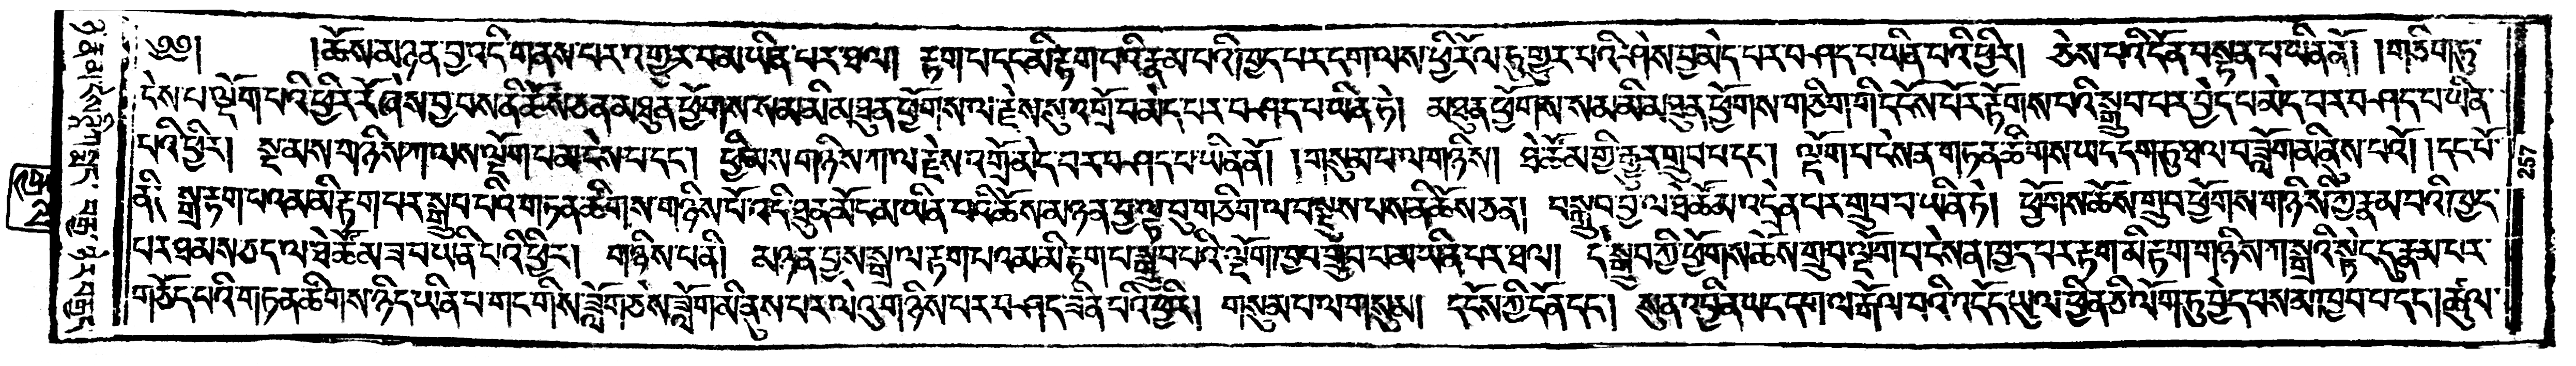༄༅། །ཆོས་མཉན་བྱ་འདི་གནས་པར་འགྱུར་བ་མ་ཡིན་པར་ཐལ། རྟག་པ་དང་མི་རྟག་པའི་རྣམ་པའི་ཁྱད་པར་དག་ལས་ཕྱི་རོལ་ཏུ་གྱུར་པའི་ཤེས་བྱ་མེད་པར་བཤད་པ་ཡིན་པའི་ཕྱིར། ཅེས་པའི་དོན་བསྟན་པ་ཡིན་ནོ། །གཅིག་ཏུ་
ངེས་པ་ལྡོག་པའི་ཕྱིར་རོ་ཞེས་བྱ་བས་ནི་ཆོས་ཅན་མཐུན་ཕྱོགས་སམ་མི་མཐུན་ཕྱོགས་ལ་རྗེས་སུ་འགྲོ་བ་མེད་པར་བཤད་པ་ཡིན་ཏེ། མཐུན་ཕྱོགས་སམ་མི་མཐུན་ཕྱོགས་གཅིག་གི་དངོས་པོར་རྟོགས་པའི་སྒྲུབ་པར་བྱེད་པ་མེད་པར་བཤད་པ་ཡིན་
པའི་ཕྱིར། སྔ་མས་གཉིས་ཀ་ལས་ལྡོག་པ་མ་ངེས་པ་དང་། ཕྱི་མས་གཉིས་ཀ་ལ་རྗེས་འགྲོ་མེད་པར་བཤད་པ་ཡིན་ནོ། །གསུམ་པ་ལ་གཉིས། ཐེ་ཚོམ་གྱི་རྒྱུར་གྲུབ་བ་དང་། ལྡོག་པ་ངེས་ན་གཏན་ཚིགས་ཡང་དག་ཏུ་ཐལ་བ་ཟློག་གི་མི་ནུས་པའོ། །དང་པོ་
ནི༑ སྒྲ་རྟག་པའམ་མི་རྟག་པར་སྒྲུབ་པའི་གཏན་ཚིགས་གཉིས་པོ་འདི་ཐུན་མོང་མ་ཡིན་པའི་ཆོས་མཉན་བྱ་ལྟ་བུ་གཅིག་ལ་བསྡུས་པས་ནི་ཆོས་ཅན། བསྒྲུབ་བྱ་ལ་ཐེ་ཚོམ་འདྲེན་པར་གྲུབ་པ་ཡིན་ཏེ། ཕྱོགས་ཆོས་གྲུབ་ཕྱོགས་གཉིས་ཀྱི་རྣམ་པའི་ཁྱད་
པར་ཐམས་ཅད་ལ་ཐེ་ཚོམ་ཟ་བ་ཡིན་པའི་ཕྱིར། གཉིས་པ་ནི། མཉན་བྱས་སྒྲ་ལ་རྟག་པའམ་མི་རྟག་པ་སྒྲུབ་པའི་ལྡོག་ཁྱབ་གྲུབ་བ་མ་ཡིན་པར་ཐལ། དེ་སྒྲུབ་ཀྱི་ཕྱོགས་ཆོས་གྲུབ་ལྡོག་པ་ངེས་ན་ཁྱད་པར་རྟག་མི་རྟག་གཉིས་ཀ་སྒྲའི་སྟེང་དུ་རྣམ་པར་
གཅོད་པའི་གཏན་ཚིགས་ཉིད་ཡིན་པ་གང་གིས་ཟློག་ཅེས་ཟློག་མི་ནུས་པར་ལེའུ་གཉིས་པར་བཤད་ཟིན་པའི་ཕྱིར། གསུམ་པ་ལ་གསུམ། དངོས་ཀྱི་དོན་དང་། སུན་འབྱིན་ཡང་དག་ལ་རྒོལ་བའི་འདོད་ཡུལ་ཕྱིན་ཅི་ལོག་ཏུ་བྱེད་བས་མ་ཁྱབ་པ་དང་། ཚུལ་